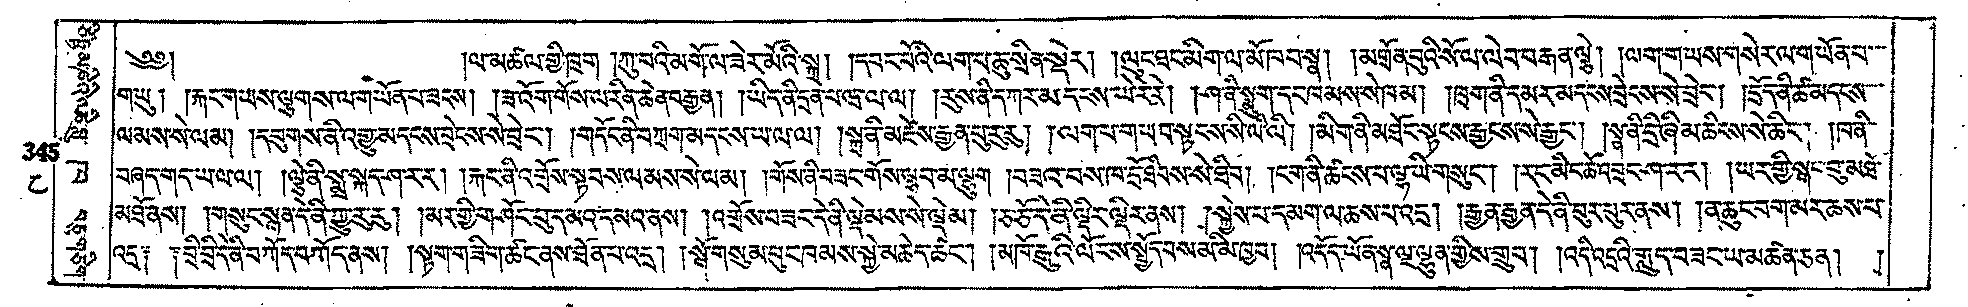༄༅། །ལ་མཚལ་གྱི་ཁྲག །ཀུ་བའི་མགོ་ལ་ཟེར་མོའི་སྐྲ། །དབང་པོའི་ལག་པ་ཆུ་སྲིན་སྡེར། །ལུང་ཐང་མིག་ལ་མོ་ཁབ་སྣ། །མགྲོན་བུའི་སོ་ལ་ལེབ་བརྒན་ལྕེ། །ལག་གཡས་གསེར་ལ་གཡོན་པ་་་
གཡུ། །རྐང་གཡས་ལྕགས་ལ་གཡོན་པ་ཟངས། །ཟ་འོག་གོས་ལ་རིན་ཆེན་བརྒྱན། །ཡིད་ནི་དྲན་པ་ཝ་ལ་ལ། །རུས་ནི་དཀར་མདངས་ཡེ་རེ་རེ། །ཤ་ནི་སྨུག་དང་ཁམས་སེ་ཁམ། །ཁྲག་ནི་དམར་མདངས་བྲེངས་སེ་བྲེང་། །དྲོད་ནི་ཚ་མདངྶ་་་
ལམས་སེ་ལམ། །དབུགས་ནི་འགྱུ་མདངས་བྲེངས་སེ་བྲེང་། །གདོང་ནི་བཀྲག་མདངས་ཡ་ལ་ལ། །སྐྲ་ནི་མཛེས་རྒྱན་པུ་རུ་རུ། །ལག་པ་གཡབ་སྟངས་སི་ལི་ལི། །མིག་ནི་མཐོང་སྟངས་རྒྱངས་སེ་རྒྱང་། །སྣ་ནི་དྲི་ཞིམ་ཆིངས་སེ་ཆིང་། །ཁ་ནི་་་
བཞད་གད་ཡ་ལ་ལ། །ལྕེ་ནི་སྨྲ་སྐད་ཤ་ར་ར། །རྐང་ནི་འགྲོས་སྟབས་ལམས་སེ་ལམ། །གོས་ནི་བཟང་གོས་ལྷབ་མ་ལྷུག །བཟའ་བས་ཁ་དྲོ་ཐིབས་སེ་ཐིབ། །ངག་ནི་ཚངས་པ་ལྷ་ཡི་གསུང་། །རང་མིང་ཆོ་འབྲང་ཤ་ར་ར། །ཡར་གྱི་སྒང་བུ་མཐོ་
མཐོ་ནས། །གསུང་སྙན་དེ་ནི་ཀྱུ་རུ་རུ། །མར་གྱི་གཤོང་བུ་དམའ་དམའ་ནས། །འགྲོས་བཟང་དེ་ནི་ལྡེམས་སེ་ལྡེམ། །ཅ་ཅོ་དེ་ནི་ལྡིར་ལྡིར་ནས། །སྐྱེས་པ་དམག་ལ་ཆས་པ་འདྲ། །རྒྱན་རྒྱན་དེ་ནི་པུར་པུར་ནས། །ན་ཆུང་བག་མར་ཆས་པ་
འདྲ༑ ༑བྲི་བྲི་དེ་ནི་བཀོད་བཀོད་ནས། །སྟག་གཟིག་ཚང་ནས་ཐོན་པ་འདྲ། །སྒོ་གསུམ་ཕུང་ཁམས་སྐྱེ་མཆེད་ཚང་། །མཁོ་རྒྱུའི་ལོངས་སྤྱོད་བསམ་མི་ཁྱབ། །འདོད་ཡོན་སྣ་ལྔ་ལྷུན་གྱིས་གྲུབ། །འདི་འདྲའི་གླུད་བཟང་ཡ་མཚན་ཅན། །